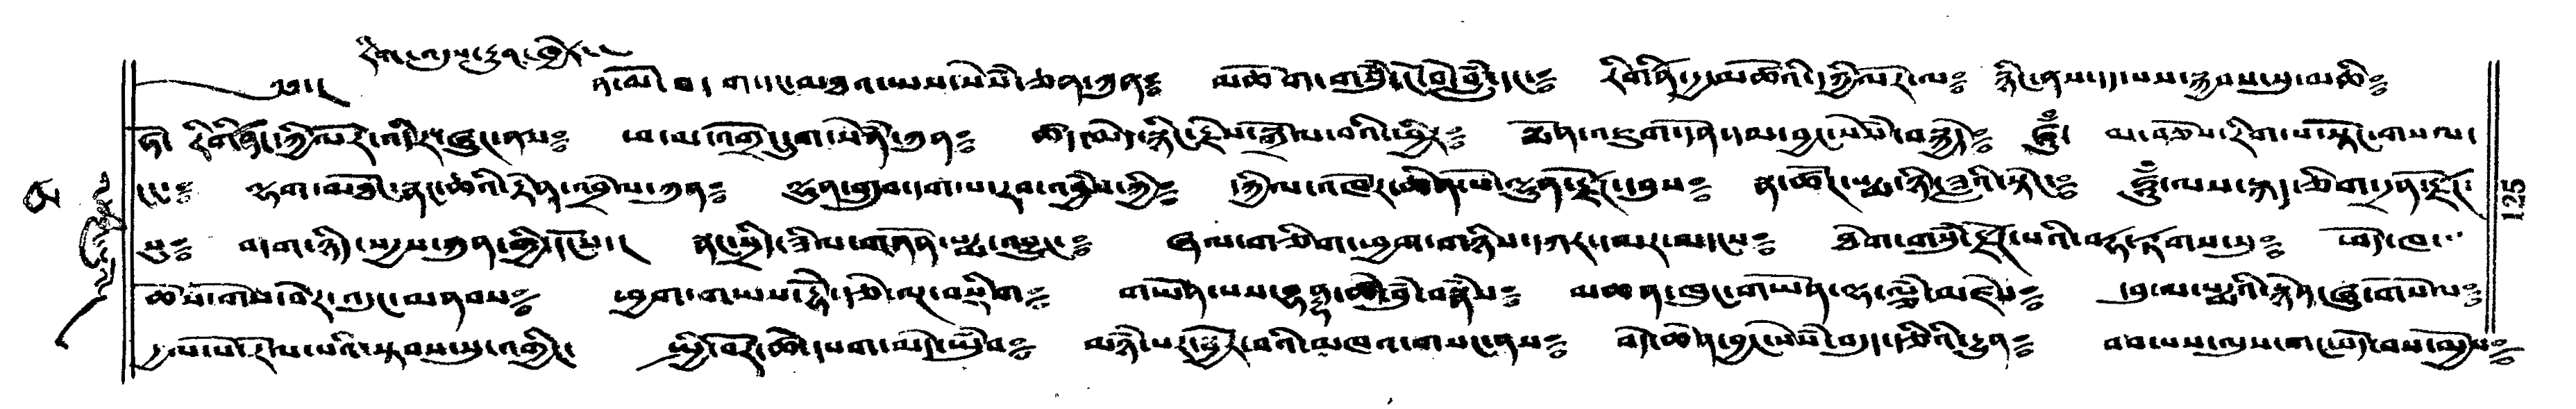༼རིག་འདུས་རྒྱུན་ཁྱེར། ༽ ན་མོཿབདག་དང་མཐའ་ཡས་སེམས་ཅན་ཀུན༔ མཆོག་གསུམ་ངོ་བོ་བླ་མ་དང༔ རིག་འཛིན་རྒྱ་མཚོའི་དཀྱིལ་འཁོར་ལ༔ སྙིང་ནས་དད་པས་སྐྱབས་སུ་མཆི༔ 
ཧོ༔ རིག་འཛིན་དཀྱིལ་འཁོར་འདིར་ཞུགས་ནས༔ ཕ་མ་འགྲོ་དུག་སེམས་ཅན་ཀུན༔ ཚད་མེད་སྙིང་རྗེས་སྒྲོལ་བའི་ཕྱིར༔ སྨོན་འཇུག་དོན་དམ་བྱང་སེམས་བསྐྱེད༔ ཧཱུྃ༔ མ་བཅོས་རིག་པ་སྟོང་གསལ་
ངང༔ ལྷག་མཐོང་སྣང་ཆའི་རྟེན་འབྲེལ་ཀུན༔ ལྷུན་གྲུབ་དག་པ་རབ་འབྱམས་ཀྱི༔ དཀྱིལ་འཁོར་ཆེན་པོ་ལྷུན་རྫོགས་དབུས༔ སྣ་ཚོགས་པདྨ་ཉི་ཟླའི་སྟེང༔ ཧཱུྃ་ལས་སྐད་ཅིག་དྲན་རྫོགས་
སུ༔ བདག་ཉིད་སངས་རྒྱས་ཀུན་གྱི་དངོས༔ སྣང་སྲིད་ཟིལ་གནོན་པདྨ་འབྱུང༔ ཞལ་གཅིག་ཕྱག་གཉིས་དཀར་དམར་མདངས༔ ཐེག་གསུམ་རྫོགས་པའི་བརྡ་རྟགས་སུ༔ ཕོད་ཁ་
ཆོས་གོས་བེར་འདུང་མནབས༔ ཕྱག་གཡས་རྡོ་རྗེ་རྩེ་ལྔ་བསྡིགས༔ གཡོན་པས་བྷནྡྷ་ཚེ་བུམ་བསྣམས༔ མཆན་ཁུང་གཡོན་ན་ལྷ་ལྕམ་མཛེས༔ དབུ་ལ་པདྨའི་སྙེན་ཞུ་གསོལ༔ 
རྒྱལ་པོ་རོལ་པའི་སྟབས་སུ་འགྱིང༔ སྤྱི་བོར་ཚེ་དཔག་མེད་ཡབ་ཡུམ༔ མཉམ་པར་སྦྱོར་བའི་མཁའ་གསང་ནས༔ བདེ་ཆེན་བྱང་སེམས་བདུད་རྩིའི་རྒྱུན༔ བབས་པས་ལུས་གང་བདེ་བས་མྱོས༔